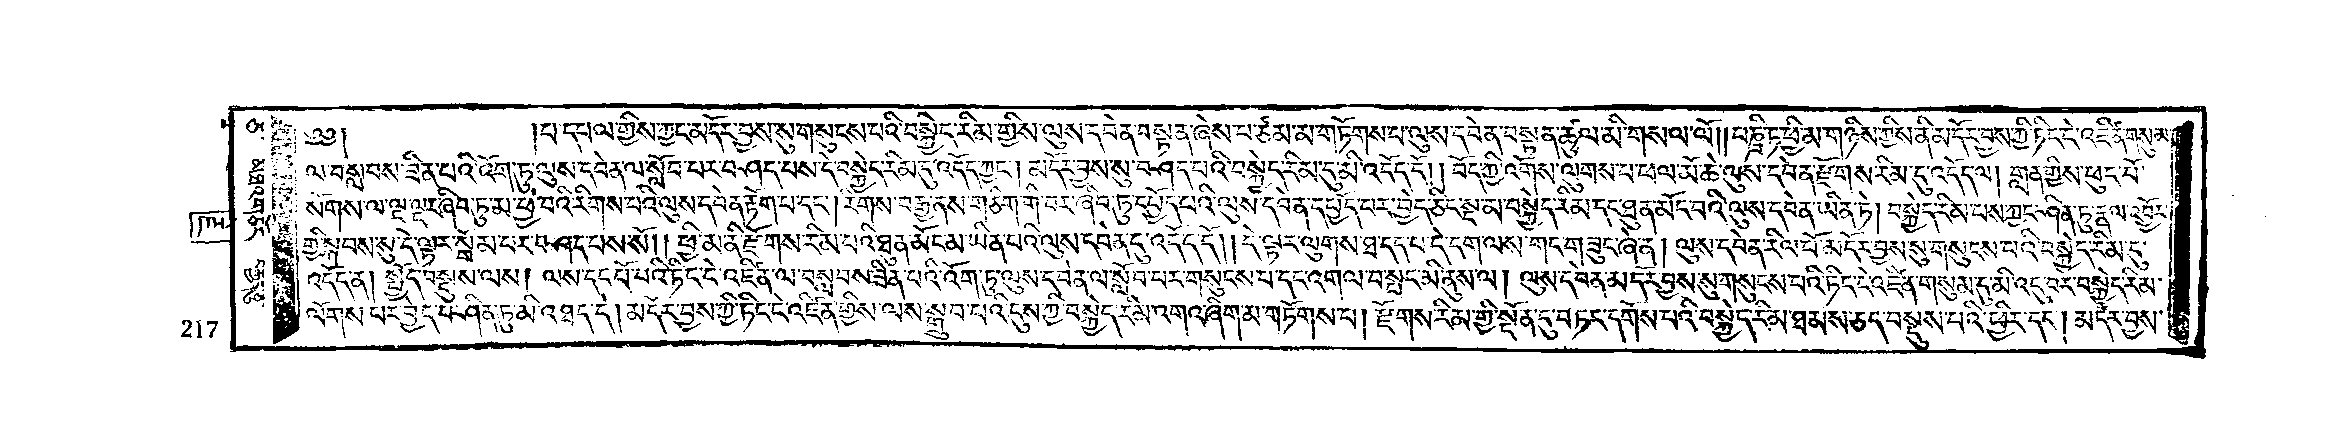༄༅། །པ་དཔལ་གྱིས་ཀྱང་མདོར་བྱས་སུ་གསུངས་པའི་བསྐྱེད་རིམ་གྱིས་ལུས་དབེན་བསྟན་ཞེས་པ་ཙམ་མ་གཏོགས་པ་ལུས་དབེན་བསྟན་ཚུལ་མི་གསལ་ལོ། །པཎྜི་ཏ་ཕྱི་མ་གཉིས་ཀྱིས་ནི་མདོར་བྱས་ཀྱི་ཏིང་ངེ་འཛིན་གསུམ་
ལ་བསླབས་ཟིན་པའི་འོག་ཏུ་ལུས་དབེན་ལ་སློབ་པར་བཤད་པས་དེ་བསྐྱེད་རིམ་དུ་འདོད་ཀྱང་། མདོར་བྱས་སུ་བཤད་པའི་བསྐྱེད་རིམ་དུ་མི་འདོད་དོ། །བོད་ཀྱི་འགོས་ལུགས་པ་ཕལ་མོ་ཆེ་ལུས་དབེན་རྫོགས་རིམ་དུ་འདོད་ལ། གླན་གྱིས་ཕུང་པོ་
སོགས་ལ་ལྔ་ལྔར་ཞིབ་ཏུ་མ་ཕྱེ་བའི་རགས་པའི་ལུས་དབེན་རྟོག་པ་དང་། རིགས་བརྒྱ་ནས་གཅིག་གི་བར་ཞིབ་ཏུ་དཔྱོད་པའི་ལུས་དབེན་དཔྱོད་པར་བྱེད་ཅིང་སྔ་མ་བསྐྱེད་རིམ་དང་ཐུན་མོང་བའི་ལུས་དབེན་ཡིན་ཏེ། བསྐྱེད་རིམ་པས་ཀྱང་ཤིན་ཏུ་རྣལ་འབྱོར་
གྱི་སྐབས་སུ་དེ་ལྟར་སྒོམ་པར་བཤད་པས་སོ། །ཕྱི་མ་ནི་རྫོགས་རིམ་པའི་ཐུན་མོང་མ་ཡིན་པའི་ལུས་དབེན་དུ་འདོད་དོ། །དེ་ལྟར་ལུགས་ཐ་དད་པ་དེ་དག་ལས་གང་གཟུང་ཞེ་ན། ལུས་དབེན་རིལ་པོ་མདོར་བྱས་སུ་གསུངས་པའི་བསྐྱེད་རིམ་དུ་
འདོད་ན། སྤྱོད་བསྡུས་ལས། ལས་དང་པོ་པའི་ཏིང་ངེ་འཛིན་ལ་བསླབས་ཟིན་པའི་འོག་ཏུ་ལུས་དབེན་ལ་སློབ་པར་གསུངས་པ་དང་འགལ་བ་སྤང་མི་ནུས་ལ། ལུས་དབེན་མདོར་བྱས་སུ་གསུངས་པའི་ཏིང་ངེ་འཛིན་གསུམ་དུ་མི་འདུ་བར་བསྐྱེད་རིམ་
ལོགས་པར་བྱེད་པ་ཤིན་ཏུ་མི་འཐད་དེ། མདོར་བྱས་ཀྱི་ཏིང་ངེ་འཛིན་གྱིས་ལས་སྒྲུབ་པའི་དུས་ཀྱི་བསྐྱེད་རིམ་འགའ་ཞིག་མ་གཏོགས་པ། རྫོགས་རིམ་གྱི་སྔོན་དུ་བཏང་དགོས་པའི་བསྐྱེད་རིམ་ཐམས་ཅད་བསྡུས་པའི་ཕྱིར་དང་། མདོར་བྱས་